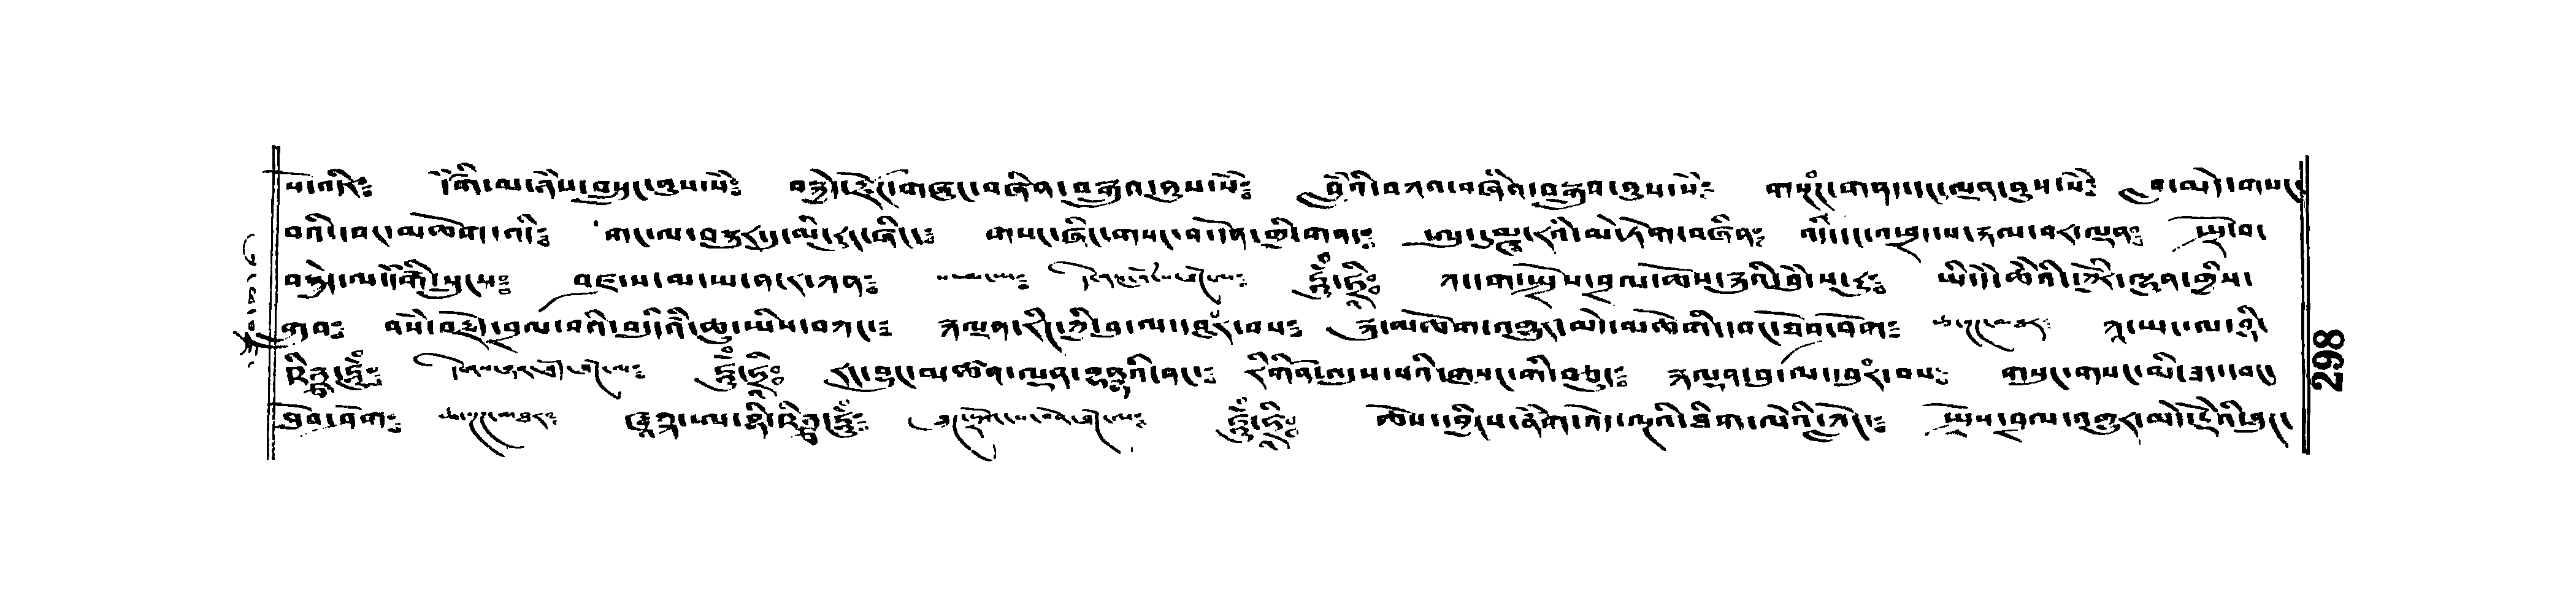པོ་འདིར༔ དམ་ཚིག་མ་ཉམས་བསྲུང་ནུས་སམ༔ བསྐྱེད་རྫོགས་གཞུང་བཞིན་བསྒྲུབ་ནུས་སམ༔ བླ་མའི་བཀའ་བཞིན་བསྒྲུབ་ནུས་སམ༔ གསང་སྔགས་གནད་དང་ལྡན་ནུས་སམ༔ བླ་མེད་གསང་
བའི་དབང་མཆོག་འདི༔ གང་ལ་བསྐུར་དུ་མི་རུང་ཞིང༔ གསང་ཞིང་གསང་བ་དོན་གྱི་གནད༔ ཨུ་དུམ་ཝ་རའི་མེ་ཏོག་བཞིན༔ འདི་དང་འཕྲད་པ་སྐལ་བར་ལྡན༔ སྤྲོ་བ་
བསྐྱེད་ལ་དམ་ཚིག་གི་སྲུངས༔ བཛྲ་ས་མ་ཡ་ན་ར་ཀན༔ ས་མ་ཡ༔ དེ་ནས་བུམ་པ་ཐོགས་ལ༔ ཧཱུྃ་ཧྲཱིཿ ཀ་དག་སྤྲོས་བྲལ་ཆོས་སྐུའི་བུམ་པ་རུ༔ ཡི་དམ་ཆ་མའི་དཀྱིལ་འཁོར་ལྷུན་གྱིས་
གྲུབ༔ བསམ་བརྗོད་བྲལ་བའི་བདུད་རྩྀའི་ཆུ་ཡིས་བཀང༔ སྐལ་ལྡན་རིགས་ཀྱི་བུ་ལ་དབང་བསྐུར་བས༔ སྐུ་མཆོག་འགྱུར་མེད་མཆོག་གི་དབང་ཐོབ་ཤོག༔ རྩ་སྔགས་མཐར༔ ཀཱ་ཡ་ཨ་བྷི་
ཧཱུྃ༔ དེ་ནས་བྷན་ཐོད་སོགས་ལ༔ ཧཱུྃ་ཧྲཱིཿ རང་བྱུང་མཚན་ལྡན་བྷནྡྷའི་ནང༔ རིག་འཛིན་འདུས་པའི་གསུང་གི་བཅུད༔ སྐལ་ལྡན་བུ་ལ་དབང་བསྐུར་བས༔ གསུང་གསང་མི་ཟད་དབང་
ཐོབ་ཤོག༔ རྩ་སྔགས་མཐར༔ ཝཱཀྐ་ཨ་བྷི་རིཉྩ་ཧཱུྃ༔ ཐུགས་སྲོག་ས་བོན་ཐོགས་ལ༔ ཧཱུྃ་ཧྲཱིཿ ཆོས་དབྱིངས་རྣམ་དག་འོད་ལྔའི་ཐིག་ལེའི་ཀློང༔སྤྲོས་བྲལ་འགྱུར་མེད་རྡོ་རྗེའི་ཐུགས་